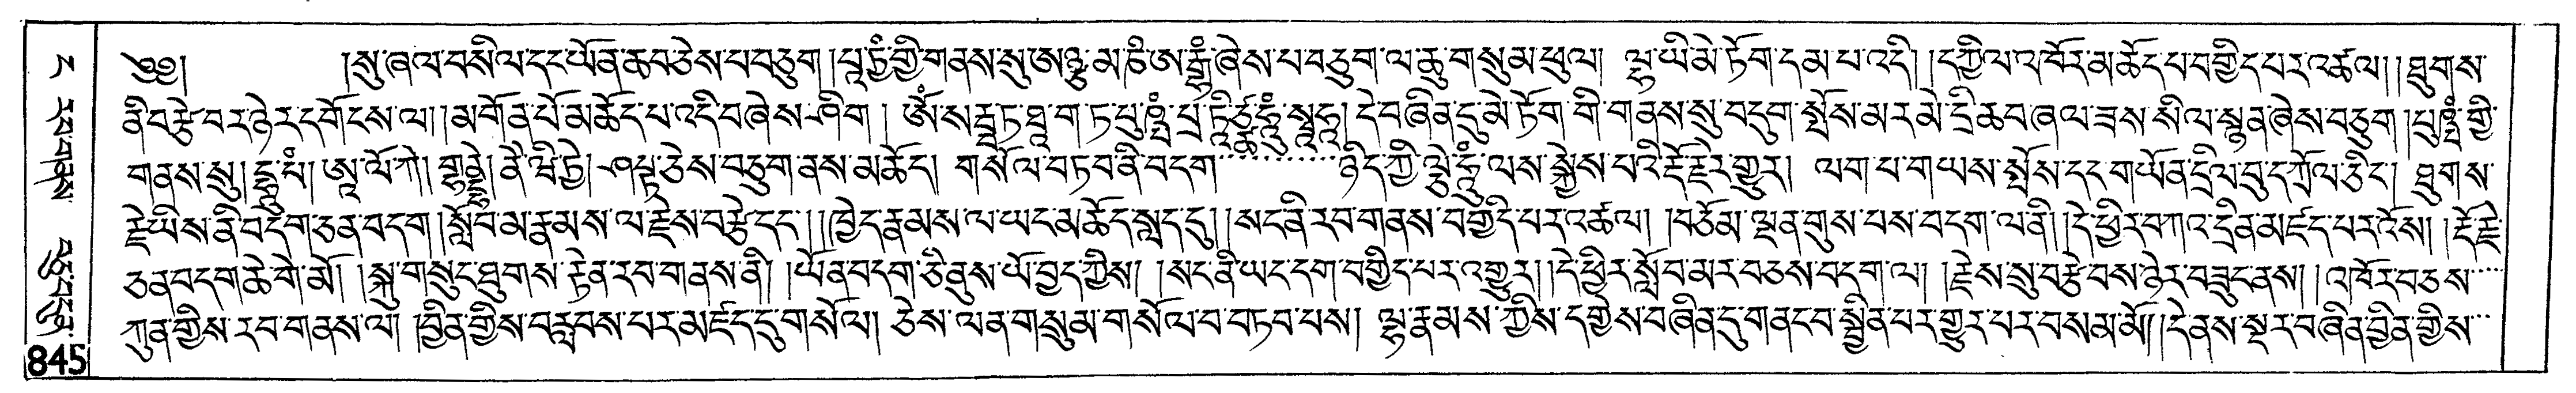༄༅། །སུ་ཞལ་བསིལ་དང་ཡོན་ཆབ་ཅེས་པ་བཅུག །པཱ་ཏྱཾ་གྱི་གནས་སུ་ཨཉྩ་མ་ཎི་ཨ་རྒྲྒྷཾ་ཞེས་པ་བཅུག་ལ་ཆུ་གསུམ་ཕུལ། ལྷ་ཡི་མེ་ཏོག་དམ་པ་འདི། །དཀྱིལ་འཁོར་མཆོད་པ་བགྱིད་པར་འཚལ། །ཐུགས་
ནི་བརྩེ་བར་ཉེར་དགོངས་ལ། །མགོན་པོ་མཆོད་པ་འདི་བཞེས་ཤིག །ཨོཾ་སརྦྦ་ཏ་ཐཱ་ག་ཏ་པུ་ཥྤཾ་པྲ་ཏཱི་ཙྪ་ཧཱུཾ་སྭཱཧཱ། དེ་བཞིན་དུ་མེ་ཏོག་གི་གནས་སུ་བདུག་སྤོས་མར་མེ་དྲི་ཆབ་ཞལ་ཟས་སིལ་སྙན་ཞེས་བཅུག །པུཥྤཾ་གྱི་
གནས་སུ། དྷཱུ་པཾ། ཨཱ་ལོ་ཀེ། གྷནྡྷེ། ནཻ་ཝི་ཏྱེ། ཤཔྟ་ཅེས་བཅུག་ནས་མཆོད། གསོལ་བཏབ་ནི་བདག་ཉིད་ཀྱི་ལྕེ་ཧཱུཾ་ལས་སྐྱེས་པའི་རྡོ་རྗེར་གྱུར། ལག་པ་གཡས་སྤོས་དང་གཡོན་དྲིལ་བུ་དཀྲོལ་ཅིང་། ཐུགས་
རྗེ་ཡིས་ནི་བདག་ཅན་བདག །སློབ་མ་རྣམས་ལ་རྗེས་བརྩེ་དང་། །ཁྱེད་རྣམས་ལ་ཡང་མཆོད་སླད་དུ། །སང་ནི་རབ་གནས་བགྱིད་པར་འཚལ། །བཅོམ་ལྡན་གུས་པས་བདག་ལ་ནི། །དེ་ཕྱིར་བཀའ་དྲིན་མཛད་པར་འོས། །རྡོ་རྗེ་
ཅན་བདག་ཆེ་གེ་མོ། །སྐུ་གསུང་ཐུགས་རྟེན་རབ་གནས་ནི། །ཡོན་བདག་ཅི་ནུས་ཡོ་བྱད་ཀྱིས། །སང་ནི་ཡང་དག་བགྱིད་པར་འགྱུར། །དེ་ཕྱིར་སློབ་མར་བཅས་བདག་ལ། །རྗེས་སུ་བརྩེ་བས་ཉེར་བཟུང་ནས། །འཁོར་བཅས་
ཀུན་གྱིས་རབ་གནས་ལ། །བྱིན་གྱིས་བརླབས་པར་མཛད་དུ་གསོལ། ཅེས་ལན་གསུམ་གསོལ་བ་བཏབ་པས། ལྷ་རྣམས་ཀྱིས་དགྱེས་བཞིན་དུ་གནང་བ་སྦྱིན་པར་གྱུར་པར་བསམ་མོ། །དེ་ནས་སྔར་བཞིན་བྱིན་གྱིས་